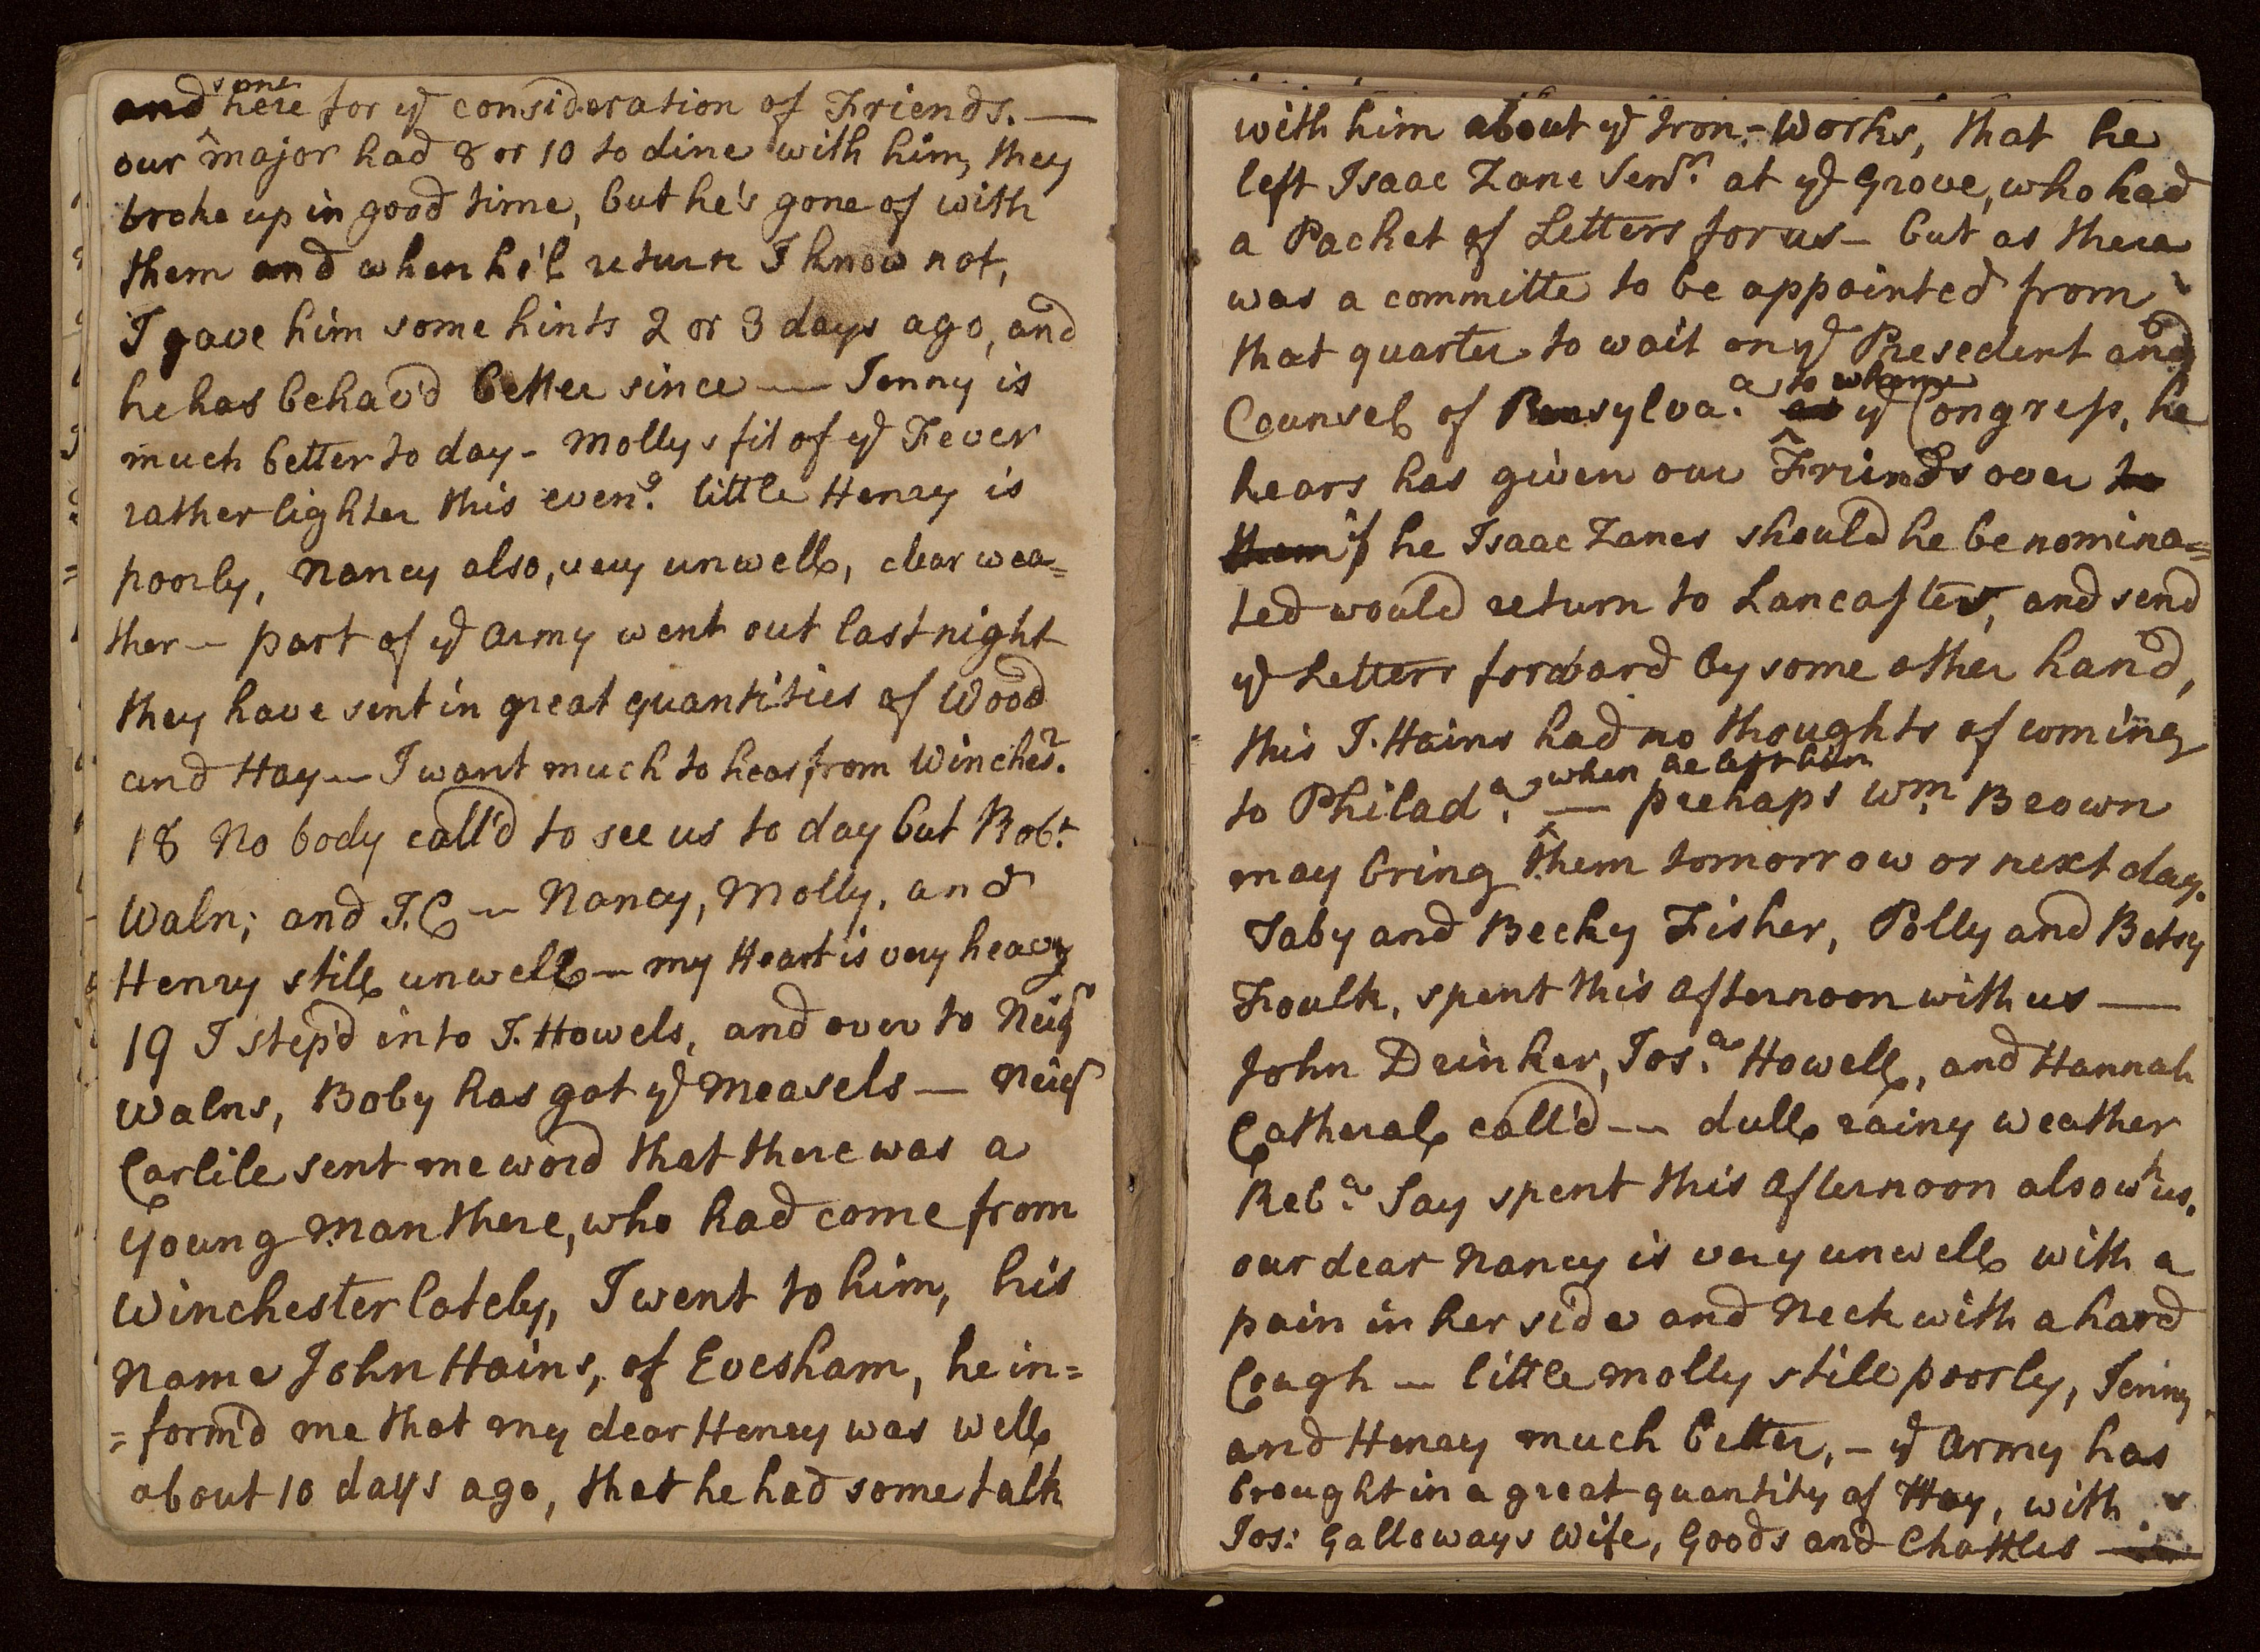some
and ^ here for y^e consideration of Friends.
our major had 8 or 10 to dine with him, they
broke up in good time, but he's gone of with
them and when he'l return I know not,
I gave him some hints 2 or 3 days ago, and
he has behav'd better since- Janny is
much better to day- Mollys fit of y^e Fever
rather lighten this even^g. little Henry is
poorly, Nancy also, very unwell, clear wea-
ther- part of y^e army went out last night
they have sent in great quantities of Wood
and Hay- I want much to hear from Winches^r.
18 No body call'd to see us to day but Rob^t.
Waln; and J.C- Nancy, Molly, and
Henry still unwell- my Heart is very heavy
19 I step'd into S. Howels, and over to Neigh^r
Walns, Boby has got y^e measels- Neig^r
Carlile sent me word that there was a
young Man there, who had come from
Winchester lately, I went to him, his
Name John Hains, of Evesham, he in-
-form'd me that my dear Henry was well
about 10 days ago, that he had some talk
with him about y^e Iron-Works, that he
left Isaac Zone Sen^r. at y^e Grove, who had
a Packet of Letters for us- but as there
was a committe to be appointed from
that quarter to wait on y^e Presedent and
to whom
Counsel of Pensylva^a. [__] y^e Congress, he
hears has given our Friends over [__]
[them] if he Issac Zanes should he be nomina-
ted would return to Lancaster, and send
y^e Letters forward by some other hand,
this J. Hains had not thoughts of coming
when as again
to Philad.^a- ^ prehaps W^m. Brown
may bring them tomorrow or next day.
Taby and Becky Fisher, Polly and Betsy
Foulk, spent this afternoon with us-
John Drinker, Jos^a. Howell, and Hannah
Catherall call'd- dull rainy weather
Reb^a. Say spent this afternoon also w^h us.
our dear Nancy is very unwell with a
pain in her side and Neck with a hard
Cough- little Molly still poorly, Jenny
and Henry much better,- y^e army has
brought in a great quantity of Hay, with
Jos: Galloways Wife, Goods and Chattles